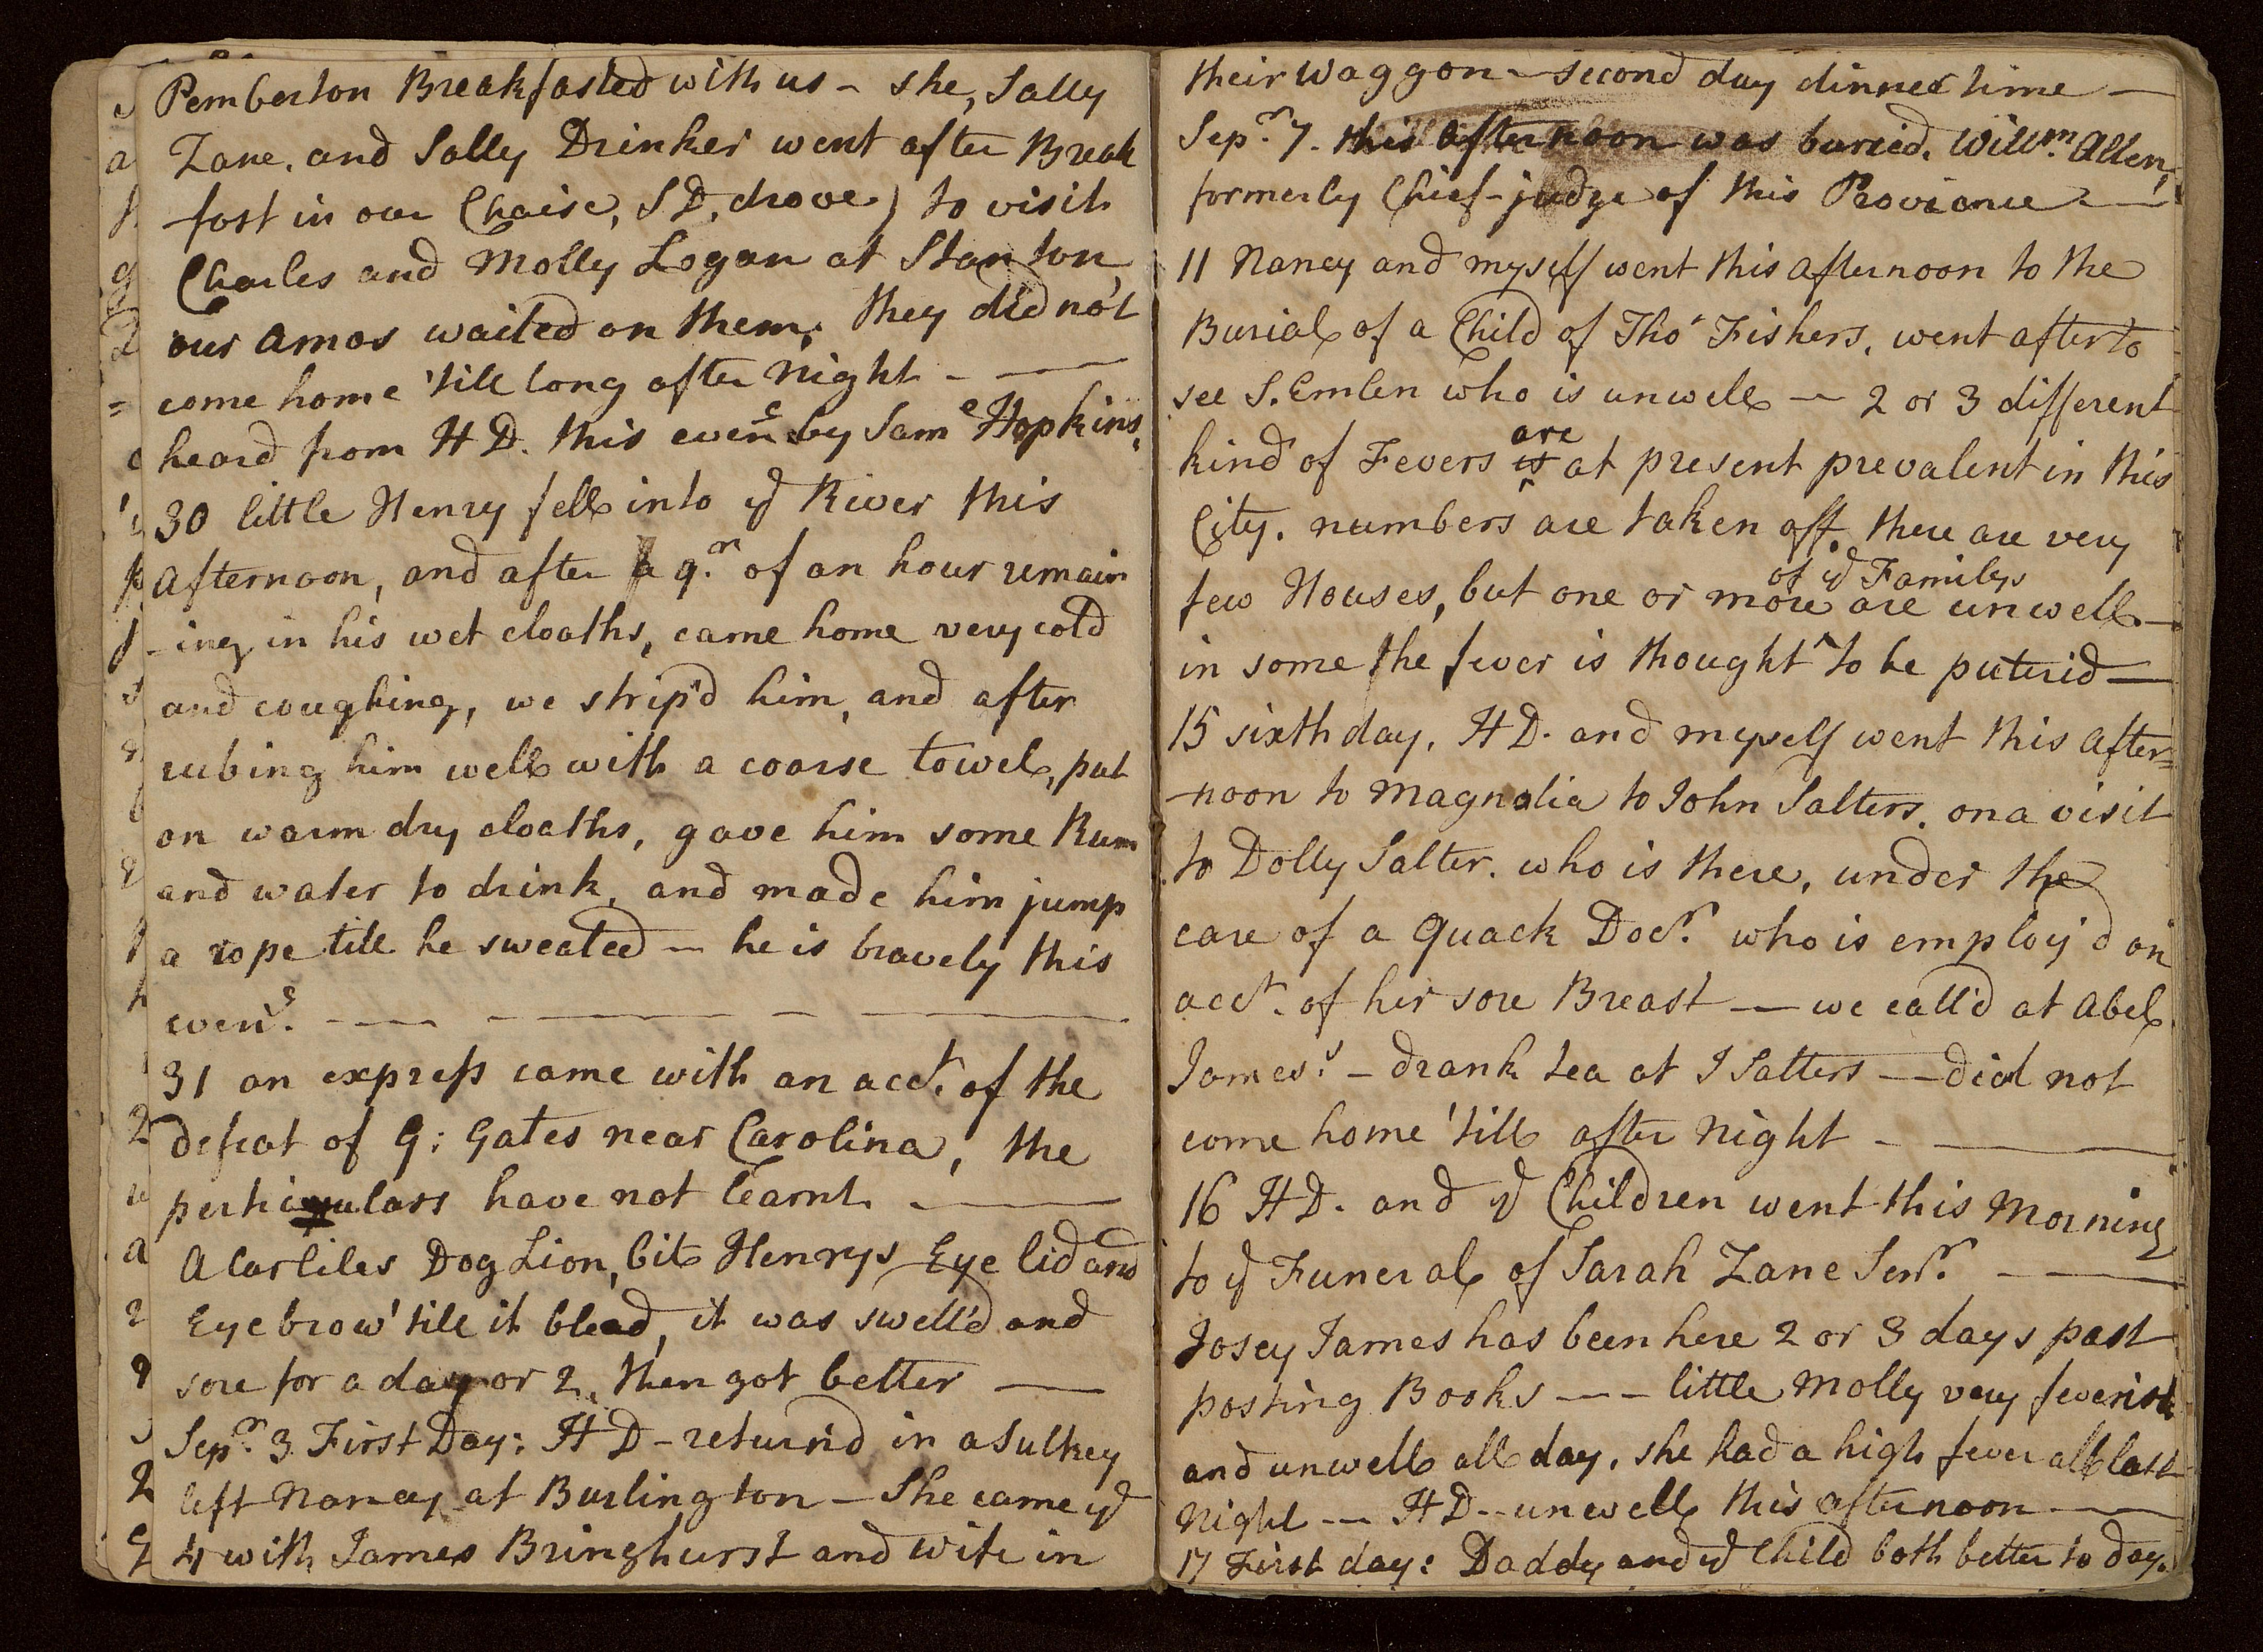Pemberton Breakfasted with us- she, Sally
Zane, and Sally Drinker went after Break
-fast in our Chaise, SD, drove) to visit
Charles and Molly Logan at Stanton
our Amos waited on them; they did not
come home 'till long after Night--
heard from H D. this even^g by Sam^l Hopkins
30 little Henry fell into y^e River this
afternoon, and after a q^r. of an hour remain
-ing in his wet cloaths, came home very cold
and coughing, we strip'd him and after
rubing him well with a coarse towel, put
on warm dry cloaths, gave him some Rum
and water to drink, and made him jump
a rope till he sweated- he is bravely this
Even^g.--
31 an express came with an acc^t. of the
defeat of G: Gates near Carolina, the
pertic[_]ulars have not learnt.-
a Carliles Dog Lion, bit Henrys Eye lid and
Eyebrow 'till it blead, it was swell'd and
sore for a day or 2, then got better-
Sep^r e. First Day: HD- return'd in a Sulkey
left Nancy at Burlington- She came y^e
4 with James Bringhurst and wife in
their Waggon- second day dinner time-
Sep^r. 7. this afternoon was buried. Will^m. Allen
formerly Chief-judge of this Provience-
11 Nancy and myself went this afternoon to the
Burial of a Child of Tho^s Fishers, went after to
see S. Emlen who is unwell- 2 or 3 different
are
kind of Fevers is ^ at present prevalent in this
City. numbers are taken off, there are very
of y^e Familys
few Houses, but one or more are unwell-
in some the fever is thought to be putirid-
15 sixth day. HD. and myself went this after-
-noon to Magnolia to John Salters, on a visit
to Dolly Salter who is there, under the
care of a Quack Doc^r. who is employ'd on
acc^t. of her sore Breast- we call'd at Abel
James^s.- drank tea at J Satters- did not
come home 'till after Night--
16 HD and y^e Children went this morning
to y^e Funeral of Sarah Zane Sen^r.--
Josey James has been here 2 or 3 days past
posting Books-- little Molly very feverish
and unwell all day, she had a high fever all late
Night.- HD--unwell this afternoon-
17 First day: Daddy and y^e child both better to day.